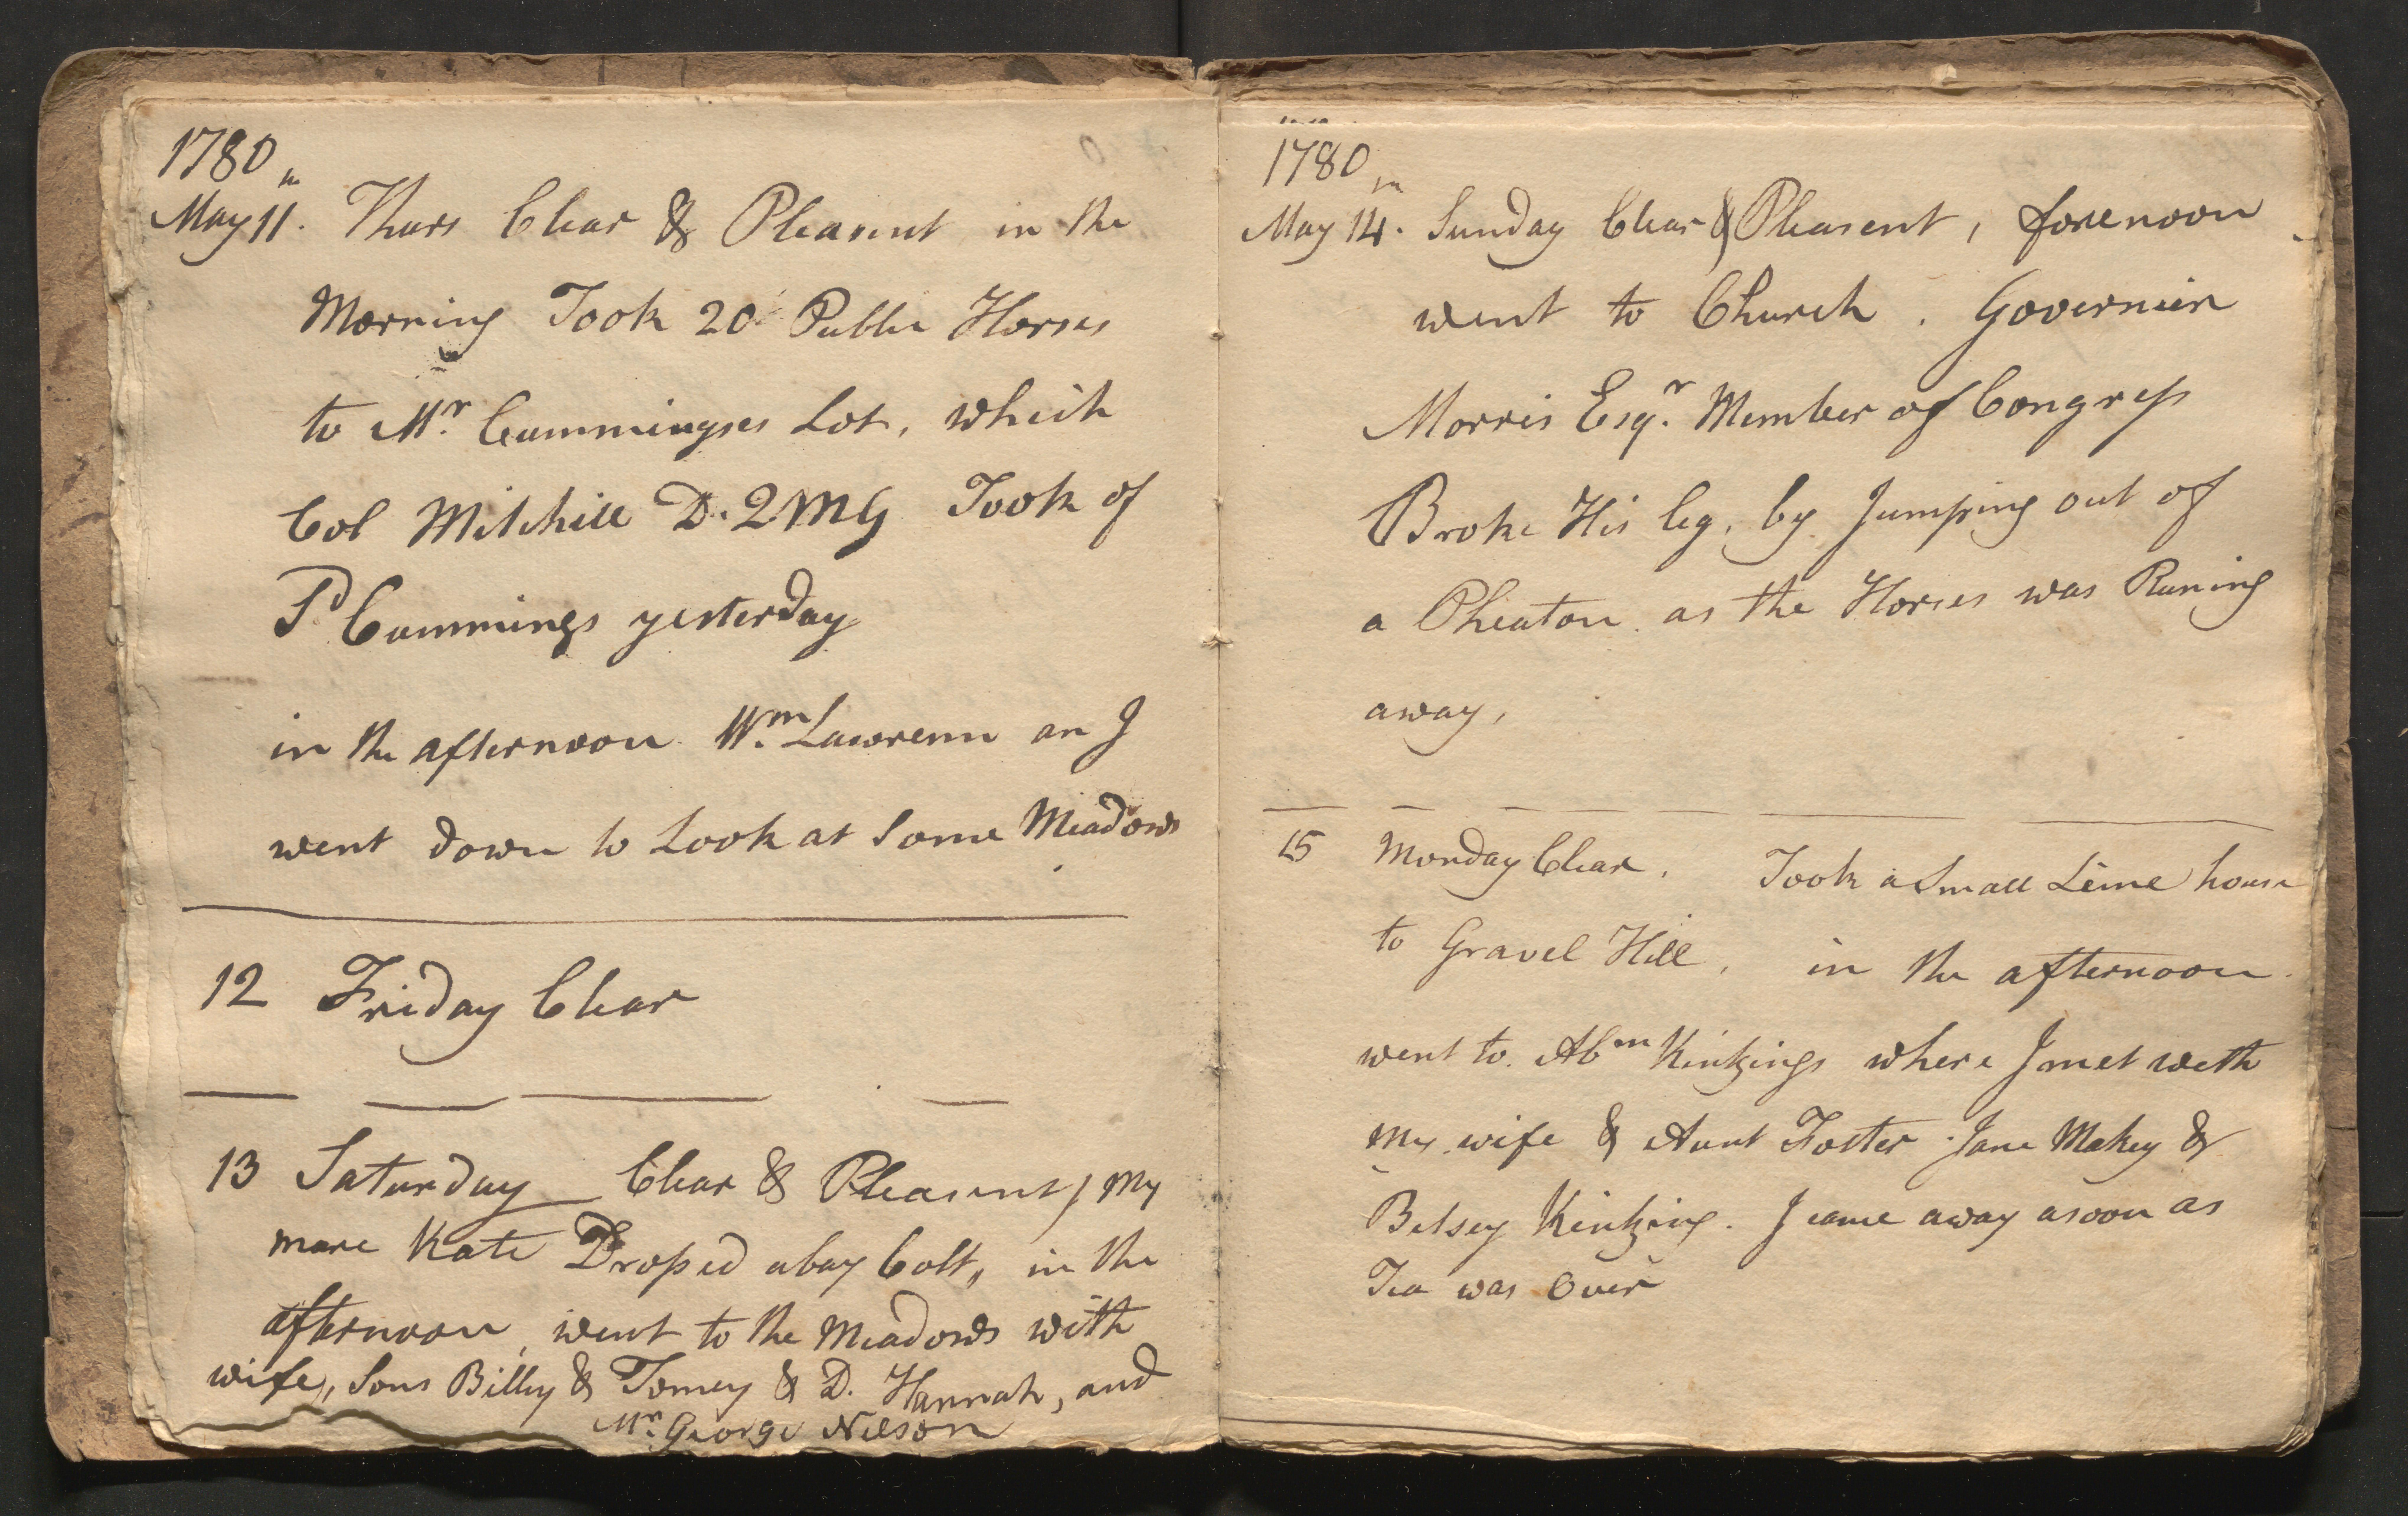1780
May 11^th. Thurs Clear & Pleasent in the
Morning Took 20 Public Horses
to M^r. Cummingses Lot, which
Col Mitchill D. QMG Took of
S^d. Cummings yesterday
in the afternoon. W^m. Lawrence an I
went down to Look at some Meadows
12 Friday Clear
13 Saturday Clear & Pleasant), My
mare Kate Droped a bay Colt, in the
afternoon went to the Meadows with
wife, sons Billey & Tomey & D. Hannah, and
M^r. George Nelson
1780
May 14^th. Sunday Clear & Pleasent, forenoon
went to Church, Governier
Morris Esq^r. Member of Congress
Broke His leg, by Jumping out of
a Pheaton as the Horses was Runing
away,
15 Monday Clear. Took a small Lime house
to Gravel Hill, in the afternoon.
went to Ab^m Kintzings where I met with
My wife & Aunt Foster Jane Makey &
Betsey Kintzing. I came away a soon as
Tea was over